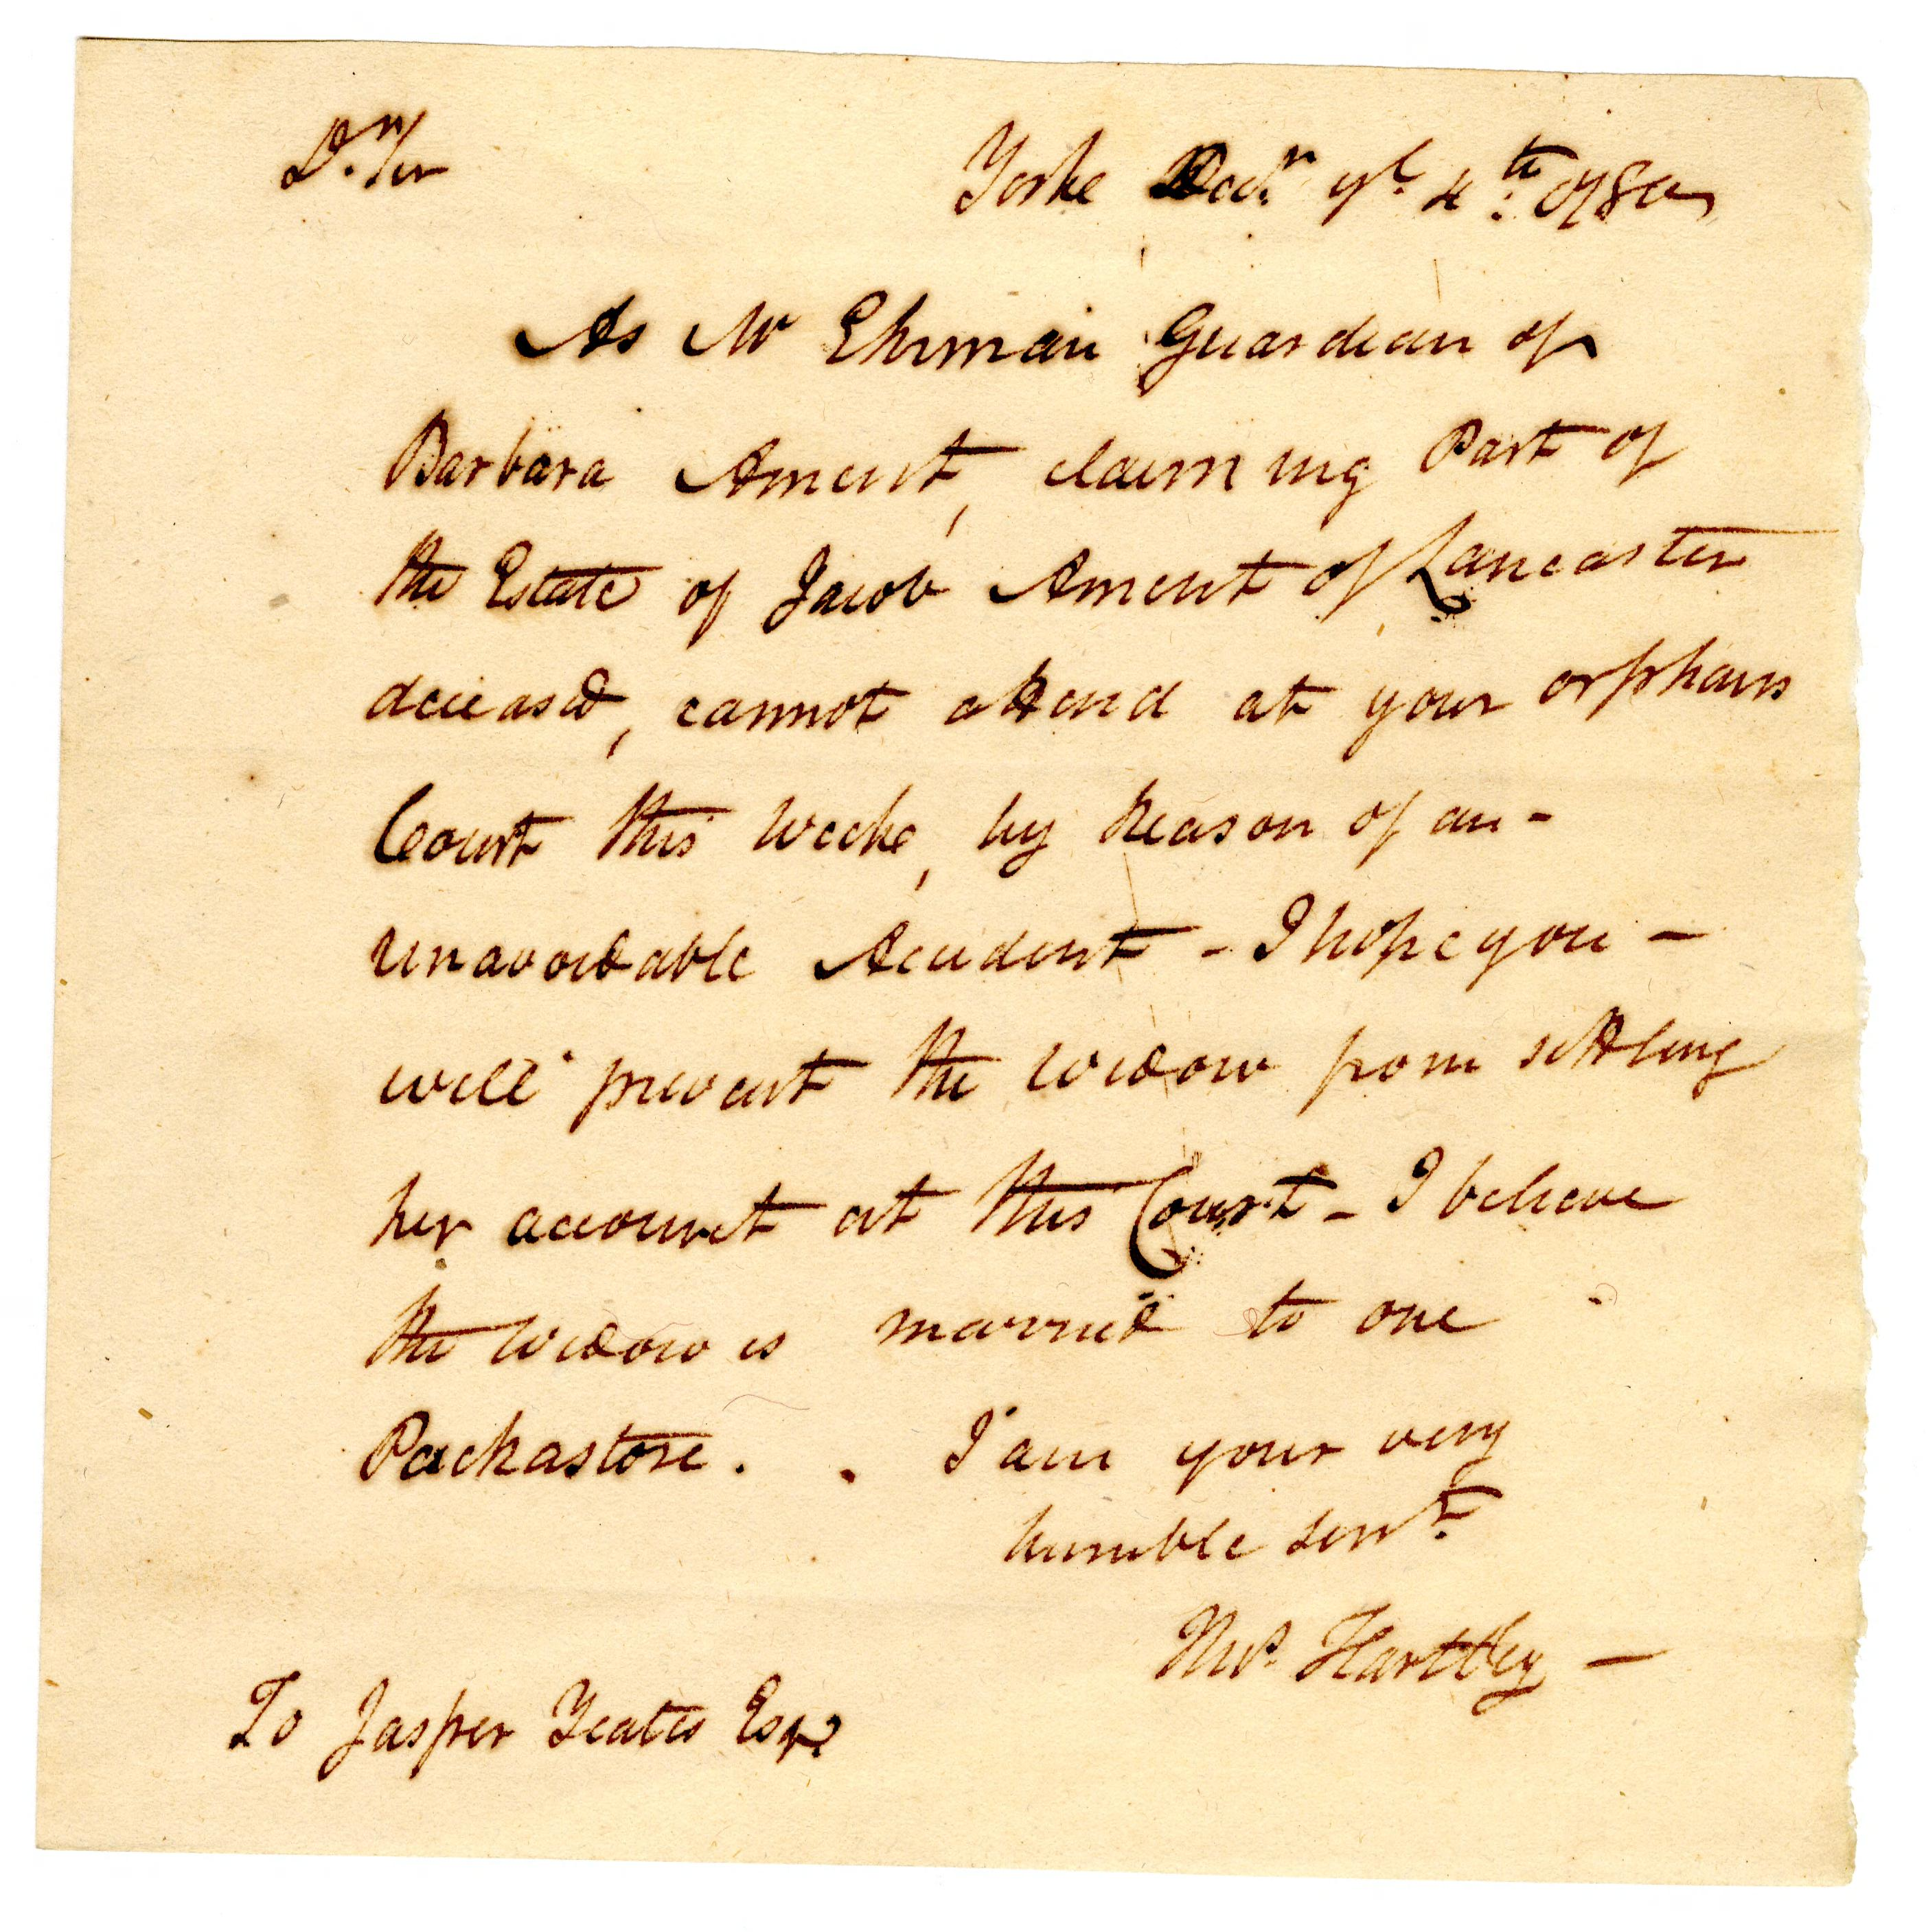Yorke Dec^r. y^e. 4^th. 1780
D^r. Sir
As M^r Ehrman Guardian of
Barbara Ancient claiming Part of
to Estate of Jacob Ament of Lancaster
deceased, cannot afford at your orphan
Court this week by Reason of an
Unavoidable Accident. I hope you
will prevent the widow from settling
her account at this Court. I believe
the widow is married to one
Packastore.
I am your very
humble serv^t.
M^r Hartley
To Jasper Yeates Esq.